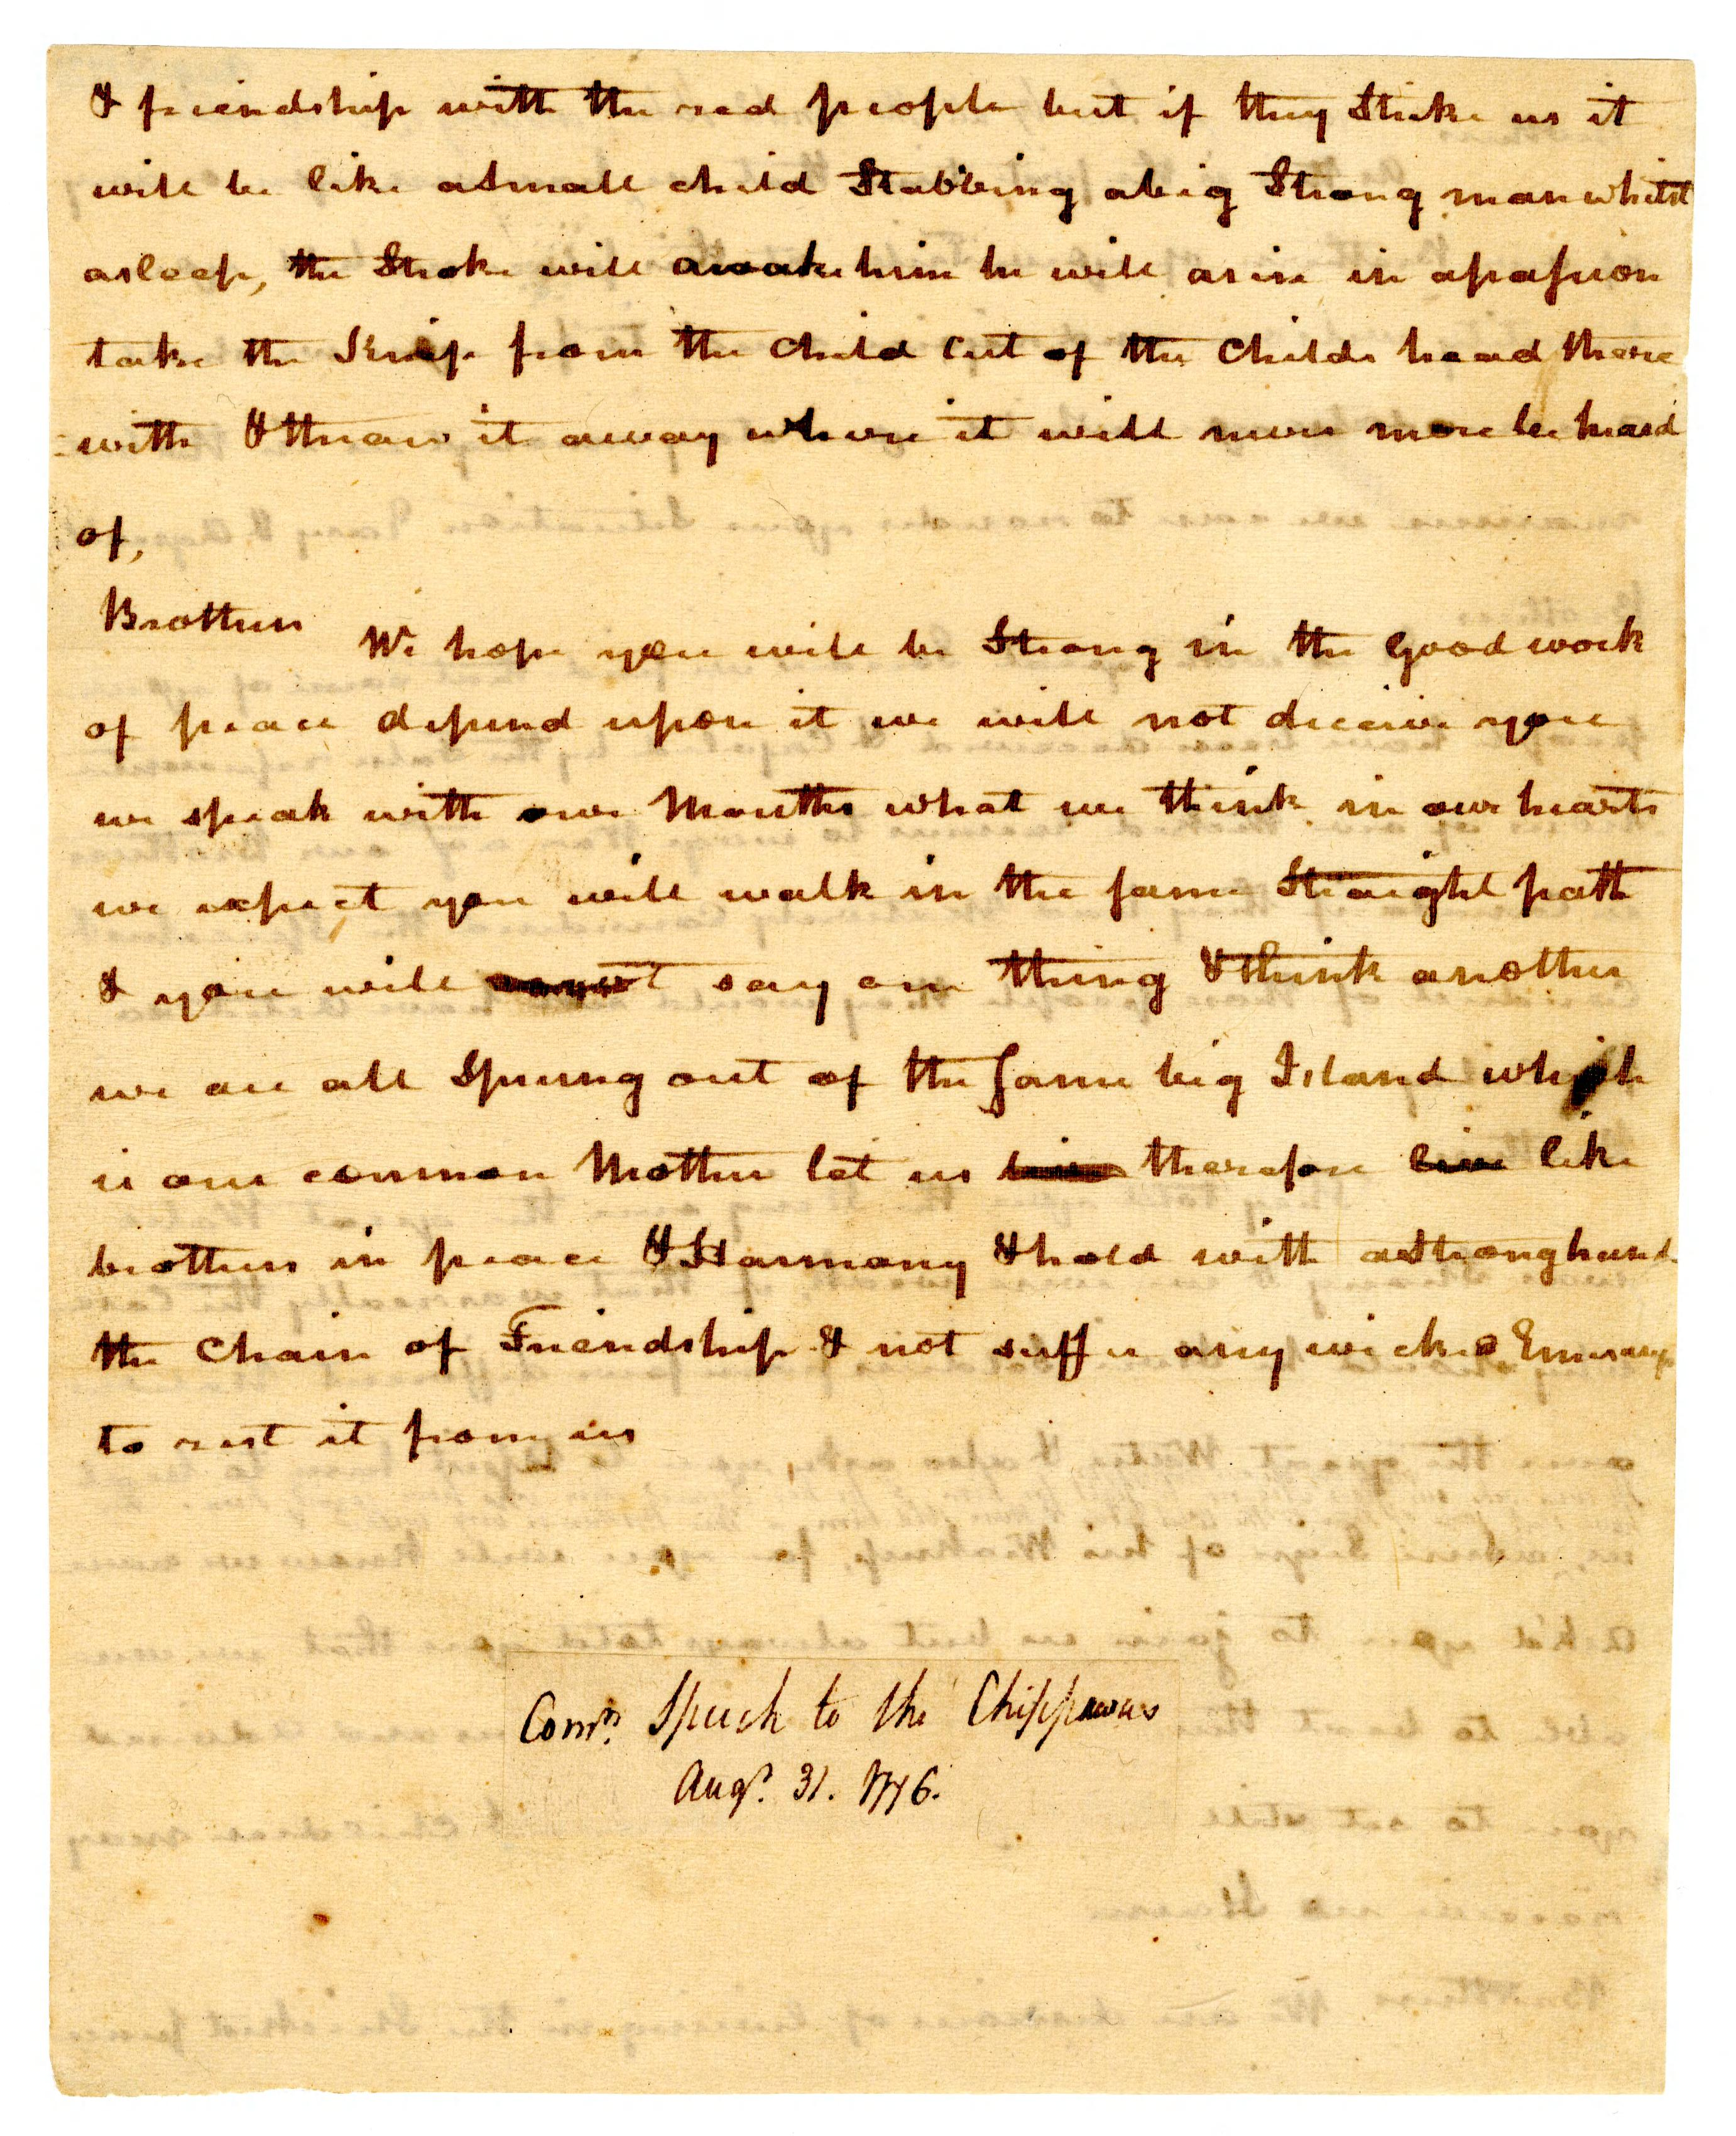& friendship with the red people but if they Strike us it
will be like a small child Stabbing a big Strong man whilst
asleep, the Stroke will awake him he will arise in apassion
take the knife from the Child cut of the Childs head there
with & throw it away where it will never more be heard
of.
Brothers
We hope you will be Strong in the Good work
of peace depend upon it we will not deceive you
we speak with our Mouths what we think in our hearts
we expect you will walk in the same Straight path
& you will [___] say one thing & think another
we are all Sprung out of the Same big Island which
as our common Mother let us[__] therefore [__] like
be others in peace & Harmony & hold with a Strong hand
the Chain of Friendship & not suffer any wicked Emergency
to rest it from us
Com^r. Speech to the Chippawas
Aug^t. 31. 1776.